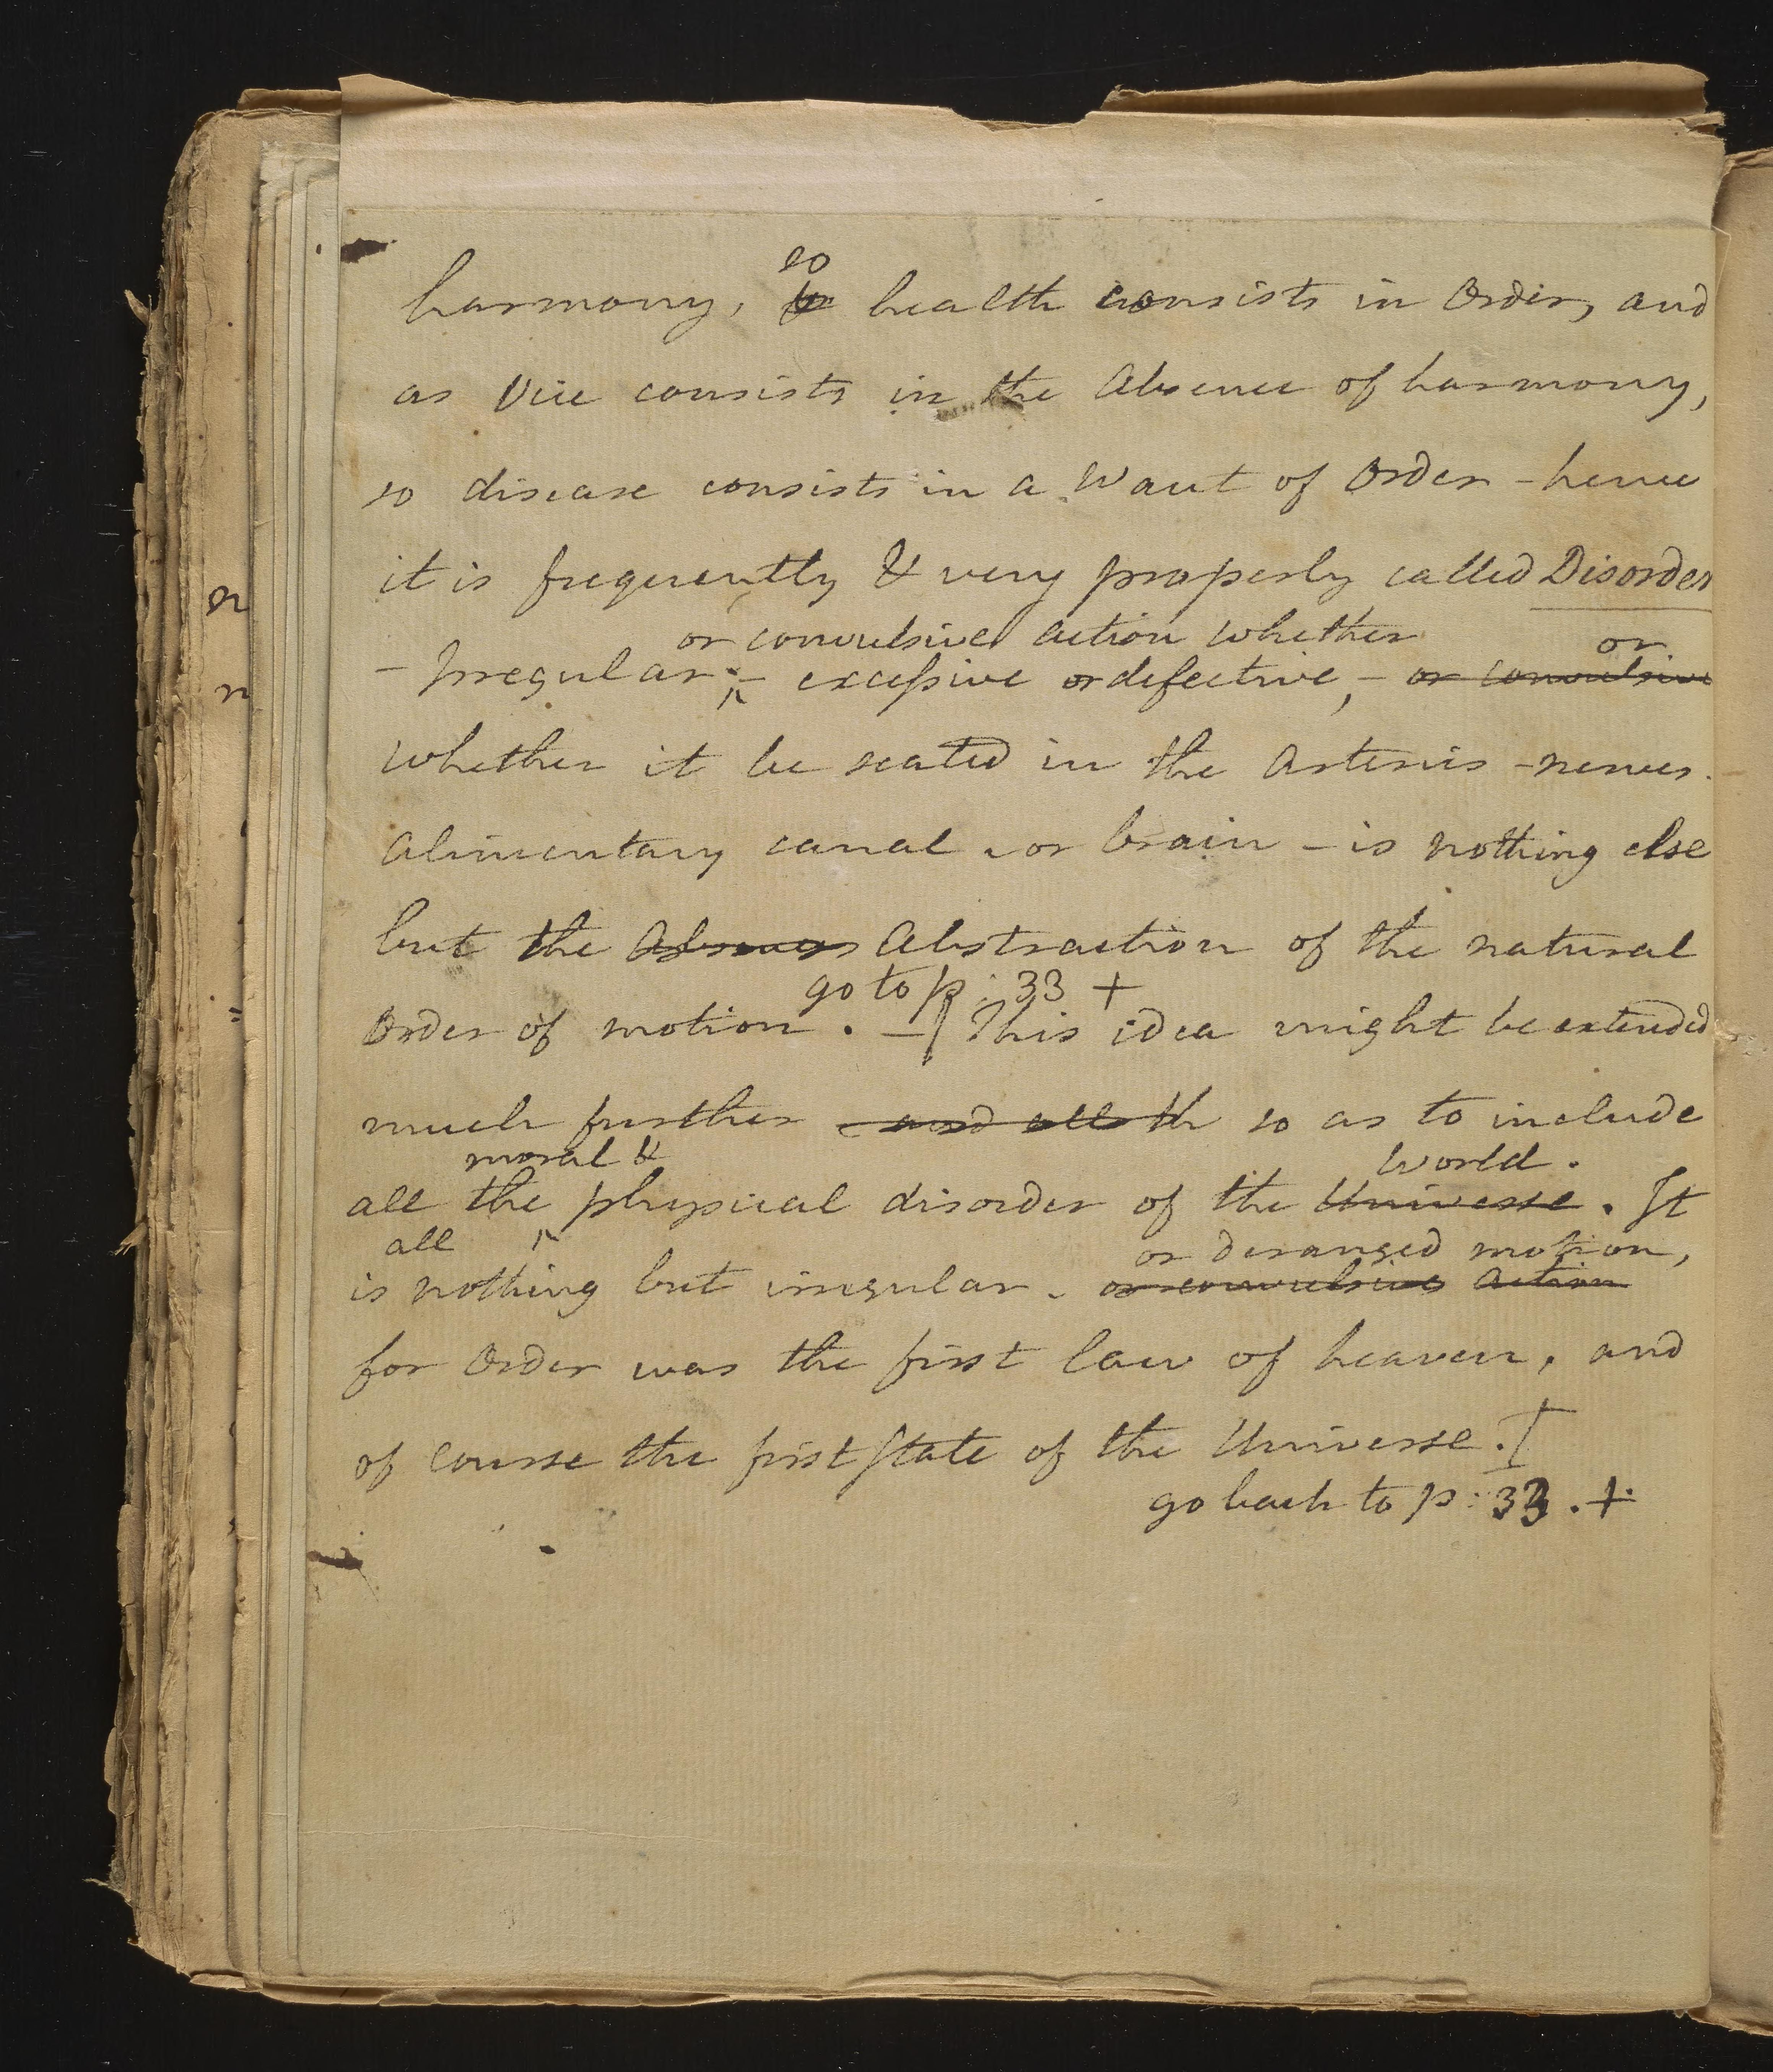so
harmony, [&] health consists in order, and
as Vice consists in the absence of harmony,
so disease consists in a want of order- hence
it is frequently & very properly called Disorder
or convulsive action whether
or
- irregular ^ - excessive or defective, - [or convulsive]
whether it be seated in the arteries, nerves
alimentary canal, or brain - is nothing else
but the [Ab____] Abstraction of the natural
go to p. 33+
order of motion.- This idea might be extended
much further [and all th] so as to include
moral &
world.
all the ^ physical disorder of the [Universe]. It
all
or deranged motion,
is nothing but irregular, [or convulsive] [action]
for Order was the first law of heaven, and
of course the first state of the universe.)
go back to p. 33+